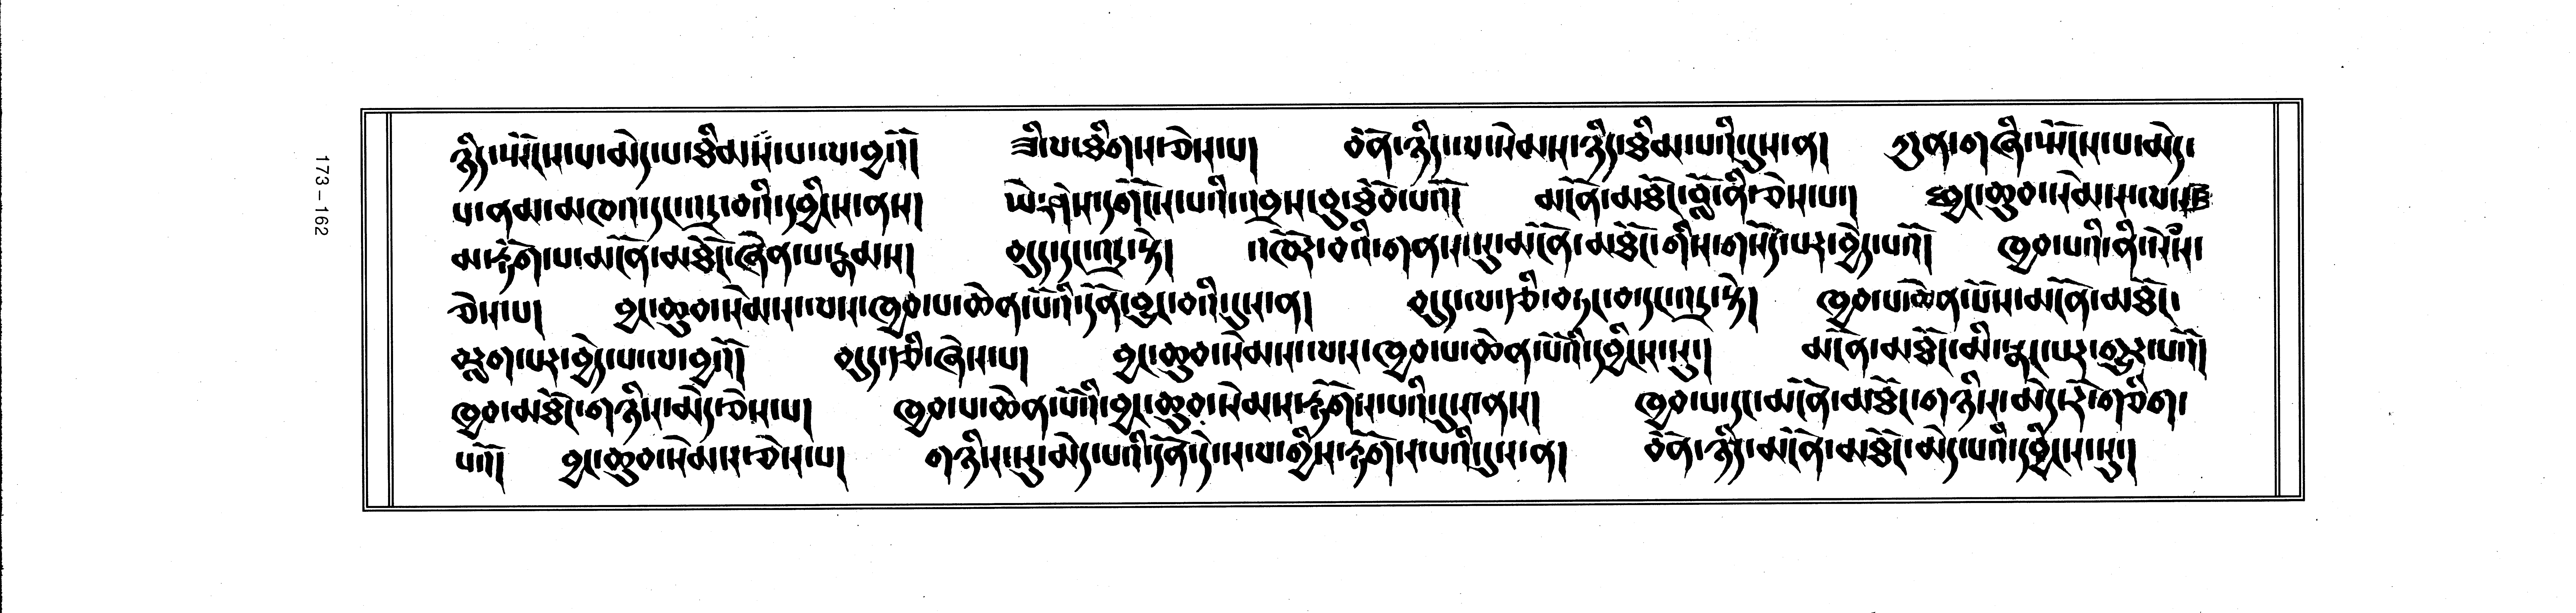ཉིད་སྤོངས་པ་མེད་པ་ཐིམ་པའོ། །ཟིལ་ཐིགས་ཅེས་པ། བོན་ཉིད་ལ་སེམས་ཉིད་ཐིམ་པའི་དུས་ན། ཀུན་གཞི་ལ་སྤོངས་པ་མེད་
པ་ནམ་མཁའ་དང་འདྲ་བའི་དབྱིངས་ནས། ཡེ་ཤེས་དགོངས་པའི་འབྲས་བུ་ཐོབ་པའོ། །མངོན་མཐོང་བློ་ནི་ཅེས་པ། བྱང་ཆུབ་ེམས་ལ་
མ་རྟོགས་པ་མངོན་མཐོང་ཞེན་པ་རྣམས། བདུད་དང་འདྲ་སྟེ། འཁོར་བའི་གནས་སུ་མངོན་མཐོང་གིས་གསོད་པར་བྱེད་པའོ། །ཁྱབ་པའི་སེམས་ནི་
ཅེས་པ། བྱང་ཆུབ་ཀྱི་སེམས་ལས་ཁྱབ་པ་ཆེན་པོ་བྱུང་བའི་དུས་ན། བདུད་ལ་རྩི་བཏང་བ་དང་འདྲ་སྟེ། ཁྱབ་པ་ཆེན་པོས་མངོན་མཐོང་
བརླག་པར་བྱེད་པ་བྱའོ། །བདུད་རྩི་ཞེས་པ། བྱང་ཆུབ་སེམས་ལས་ཁྱབ་པ་ཆེན་པོའི་དབྱིངས་སུ། མངོན་མཐོང་མི་སྣང་བར་གྱུར་པའོ། །
ཁྱབ་མཐོང་གཉིས་མེད་ཅེས་པ། ཁྱབ་པ་ཆེན་པོའི་བྱང་ཆུབ་ཀྱི་སེམས་རྟོགས་པའི་དུས་ན། ཁྱབ་པ་དང་མངོན་མཐོང་གཉིས་མེད་རོ་གཅིག་
པའོ། །བྱང་ཆུབ་སེམས་ཅེས་པ། གཉིས་སུ་མེད་པའི་དོན་དེ་སལ་གྱིས་རྟོགས་པའི་དུས་ན། བོན་ཉིད་མངོན་མཐོང་མེད་པའི་དབྱིངས་སུ།